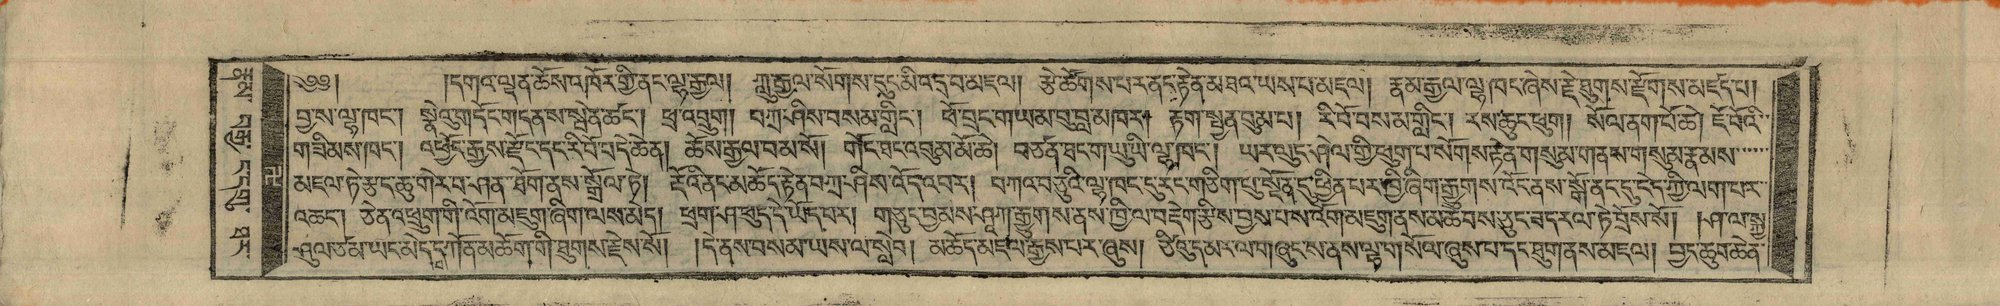༄༅། །དགའ་ལྡན་ཆོས་འཁོར་གྱི་ནང་ལྷ་རྒྱལ། ཀླུ་རྒྱལ་སོགས་དུང་མི་འདྲ་བ་མཇལ། རྩེ་ཚོགས་པར་ནང་རྟེན་མཐའ་ཡས་པ་མཇལ། རྣམ་རྒྱལ་ལྷ་ཁང་ཞེས་རྗེ་ཐུགས་རྫོགས་མཛད་པ།
བྱ་ས་ལྷ་ཁང་། སྣེའུ་གདོང་གདན་ས་སྤེན་ཚང་། ཕྲ་འབྲུག །བཀྲ་ཤིས་བསམ་གླིང་། ཕོ་བྲང་གཡམ་བུ་བླ་མཁར། རྟག་སྤྱན་བུམ་པ། རི་བོ་བསམ་གླིང་། རས་ཆུང་ཕུག །སོལ་ནག་པོ་ཆེ། ཇོ་བོའི་
གཟིམས་ཁང་། འཕྱོང་རྒྱས་རྫོང་དང་རི་བོ་བདེ་ཆེན། ཆོས་རྒྱལ་བམ་སོ། གོང་ཐང་འབུམ་མོ་ཆེ། བཙན་ཐང་གཡུ་ཡི་ལྷ་ཁང་། ཡར་ལུང་ཤེལ་གྱི་ཕུག་པ་སོགས་རྟེན་གསུམ་གནས་གསུམ་རྣམས་
མཇལ་ཏེ་རྩང་ཆུ་གེར་བ་ཤན་ཐོག་ནས་སྒྲོལ་ཏེ། རྡོའི་ནང་མཆོད་རྟེན་བཀྲ་ཤིས་འོད་འབར། བཀའ་བཅུའི་ལྷ་ཁང་དུ་རང་གཅིག་པུ་སྔོན་དུ་ཕྱིན་པར་ཁྱི་ཞིག་རྒྱུགས་འོང་ནས་སྒོ་ནང་དུ་ངེད་ཀྱི་ལག་པར་
འཆང་། ཅེན་འཕྲུག་གི་འོག་མཇུག་ཞིག་ལས་མེད། ཕྲག་ཤ་ཕུད་དེ་ཡོད་པར། གཅུང་བྱམས་ཤཱཀ་རྒྱུགས་ནས་ཁྱི་ལ་བརྡེག་རྩིས་བྱས་པས་འོག་མཇུག་ནས་མཆེ་བས་ཅུང་ཟད་རལ་ཏེ་བྲོས་སོ། །ཤ་ལ་སྐྱ་
ཤུལ་ཙམ་ཡང་མེད་པ་དཀོན་མཆོག་གི་ཐུགས་རྗེས་སོ། །དེ་ནས་བསམ་ཡས་ལ་སླེབ། མཆོད་མཇལ་རྒྱས་པར་ཞུས། ཙིའུ་དམར་ལ་གཞུང་ས་ནས་ལྷ་གསོལ་ཞུས་པ་དང་ཐུག་ནས་མཇལ། བྱང་ཆུབ་ཆེན་